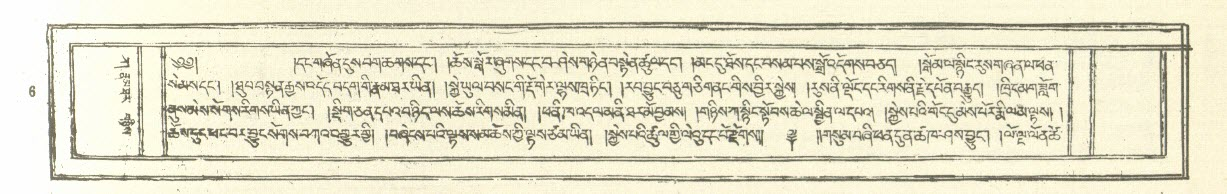༄༅། །དང་གཞོན་དུས་བག་ཆགས་དང་། །ཆོས་སྒོར་ཞུགས་དང་བཤེས་གཉེན་བསྟེན་ཚུལ་དང་། །མང་དུ་ཐོས་དང་བསམ་པས་སྒྲོ་འདོགས་བཅད། །སྒོམ་ལ་སྙིང་རུས་གཞན་ལ་ཕན་
སེམས་དང་། །ཐུབ་བསྟན་རྒྱས་འདོང་བདག་གི་རྣམ་ཐར་ཡིན། །སྐྱེ་ཡུལ་བསང་གི་རྡོ་རྗེ་གེར་ལྷས་ཁྲ་ཏིང་། །རབ་བྱུང་བཅུ་གཅིག་ནང་གིས་བྱིར་སྐྱེས། །རུས་ནི་ལྡོང་དང་རིགས་ནི་རྗེ་དཔོན་བརྒྱུད། །ཁྲི་དམག་ཟློག་
ནུས་མེས་སོགས་རིགས་ཡིན་ཀྱང་། །སྡིག་ཅན་དཔའ་བ་ཉིད་ལས་ཆོས་རིགས་མིན། །ཕ་ནི་ཁ་འདལ་མ་ནི་ཐར་མོ་བྱམས། །གཉིས་ཀ་སྙིང་སྟོབས་ཆེ་ལ་སྦྱིན་ལ་དཔའ། །སྐྱེས་པའི་གོང་དུ་མེས་པོར་རྨི་ལམ་ལྟས། །
ཆོས་དུང་ཕད་བར་བྱུང་སོགས་བཀའ་འགྱུར་གྱི། །བཞེངས་པའི་ལྟས་ས་མཆོས་ཀྱི་ལྟས་ཙམ་ཡིན། །སྐྱེས་པའི་ཚུལ་གྱི་ལེའུ་དང་པོ་རྫོགས།། ༈ །།གསུམ་བཞི་ཕན་དུན་ཚ་ཁ་ཤས་བྱུང་། ལོ་ལྔ་ལོན་ཚེ་